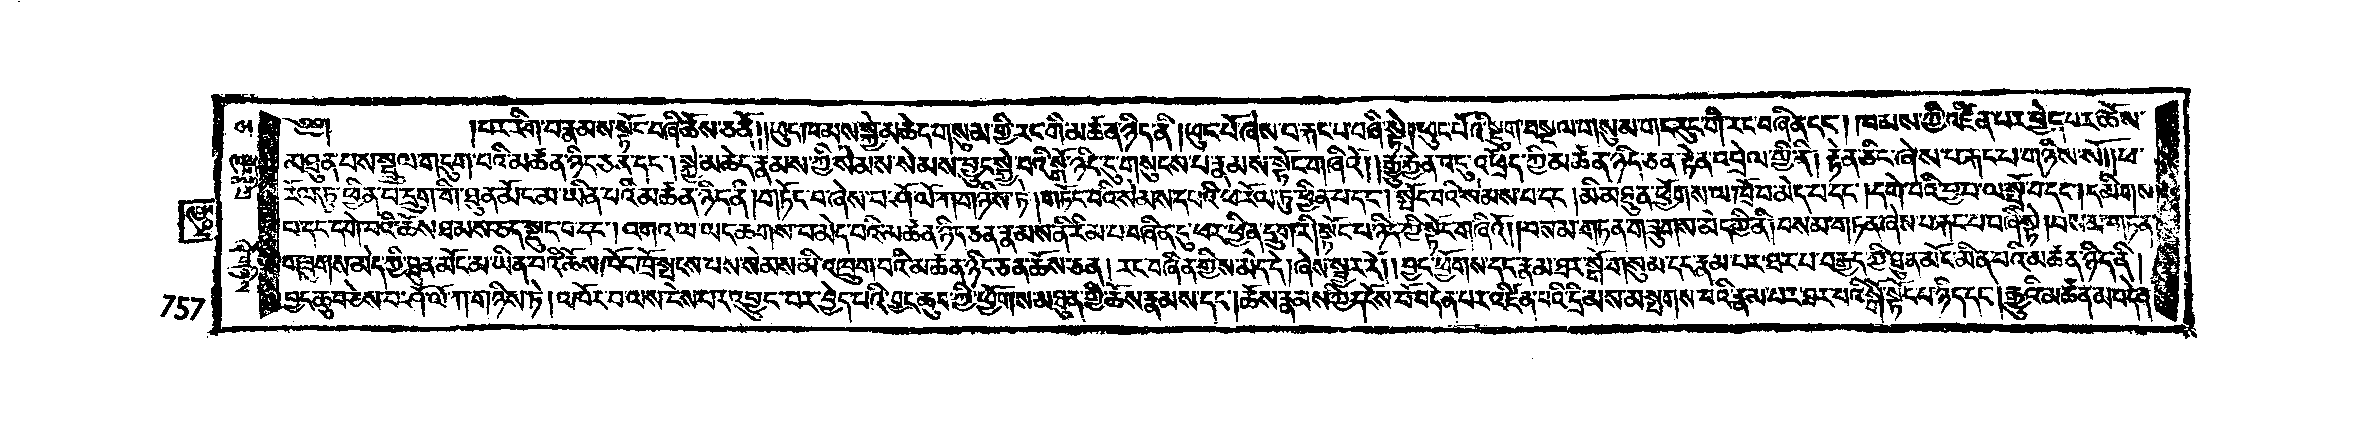༄༅། །པར་རིག་པ་རྣམས་སྟོང་བཞི་ཆོས་ཅན་ནོ། །ཕུང་ཁམས་སྐྱེ་མཆེད་གསུམ་གྱི་རང་གི་མཚན་ཉིད་ནི། ཕུང་པོ་ཞེས་པ་རྐང་པ་བཞི་སྟེ། ཕུང་པོའི་སྡུག་བསྔལ་གསུམ་གང་རུང་གི་རང་བཞིན་དང་། ཁམས་ཀྱི་འཛིན་པར་བྱེད་པར་ཆོས་
མཐུན་པས་སྦྲུལ་གདུག་པའི་མཚན་ཉིད་ཅན་དང་། སྐྱེ་མཆེད་རྣམས་ཀྱི་སེམས་སེམས་བྱུང་སྐྱེ་བའི་སྒོ་ཉིད་དུ་གསུངས་པ་རྣམས་སྟོང་གཞིའོ། །རྒྱུ་རྐྱེན་འདུ་འཕྲོད་ཀྱི་མཚན་ཉིད་ཅན་རྟེན་འབྲེལ་གྱི་ནི། རྟེན་ཅིང་ཞེས་པ་རྐང་པ་གཉིས་སོ། །ཕ་
རོལ་ཏུ་ཕྱིན་པ་དྲུག་གི་ཐུན་མོང་མ་ཡིན་པའི་མཚན་ཉིད་ནི། གཏོང་བ་ཞེས་པ་ཤོ་ལོ་ཀ་གཉིས་ཏེ། གཏོང་བའི་སེམས་དཔའི་ཕ་རོལ་ཏུ་ཕྱིན་པ་དང་། སྤོང་བའི་སེམས་པ་དང་། མི་མཐུན་ཕྱོགས་ལ་ཁྲོ་བ་མེད་པ་དང་། དགེ་བའི་བྱ་བ་ལ་སྤྲོ་བ་དང་། དམིགས་
པ་དང་དགེ་བའི་ཆོས་ཐམས་ཅད་སྡུད་བ་དང་། འགའ་ལ་ཡང་ཆགས་པ་མེད་པའི་མཚན་ཉིད་ཅན་རྣམས་ནི་རིམ་པ་བཞིན་དུ་ཕར་ཕྱིན་དྲུག་རི། སྟོང་པ་ཉིད་ཀྱི་སྟོང་གཞིའོ། །བསམ་གཏན་གཟུགས་མེད་ཀྱི་ནི། བསམ་གཏན་ཞེས་པ་རྐང་པ་བཞི་སྟེ། བསམ་གཏན་
གཟུགས་མེད་ཀྱི་ཐུན་མོང་མ་ཡིན་པའི་ཆོས་ཁོང་ཁྲོ་སྤངས་པས་སེམས་མི་འཁྲུག་བའི་མཚན་ཉིད་ཅན་ཆོས་ཅན། རང་བཞིན་གྱིས་མེད་དེ། ཞེས་སྦྱར་རོ། །བྱང་ཕྱོགས་དང་རྣམ་ཐར་སྒོ་གསུམ་དང་རྣམ་པར་ཐར་པ་བརྒྱད་ཀྱི་ཐུན་མོང་མིན་པའི་མཚན་ཉིད་ནི།
བྱང་ཆུབ་ཅེས་པ་ཤོ་ལོ་ཀ་གཉིས་ཏེ། འཁོར་བ་ལས་ངེས་པར་འབྱུང་བར་བྱེད་པའི་བྱང་ཆུབ་ཀྱི་ཕྱོགས་མཐུན་གྱི་ཆོས་རྣམས་དང་། ཆོས་རྣམས་ཀྱི་དངོས་པོ་བདེན་པར་འཛིན་པའི་དྲི་མས་མ་སྤགས་པའི་རྣམ་པར་ཐར་པའི་སྒོ་སྟོང་པ་ཉིད་དང་། རྒྱུའི་མཚན་མ་བདེན་